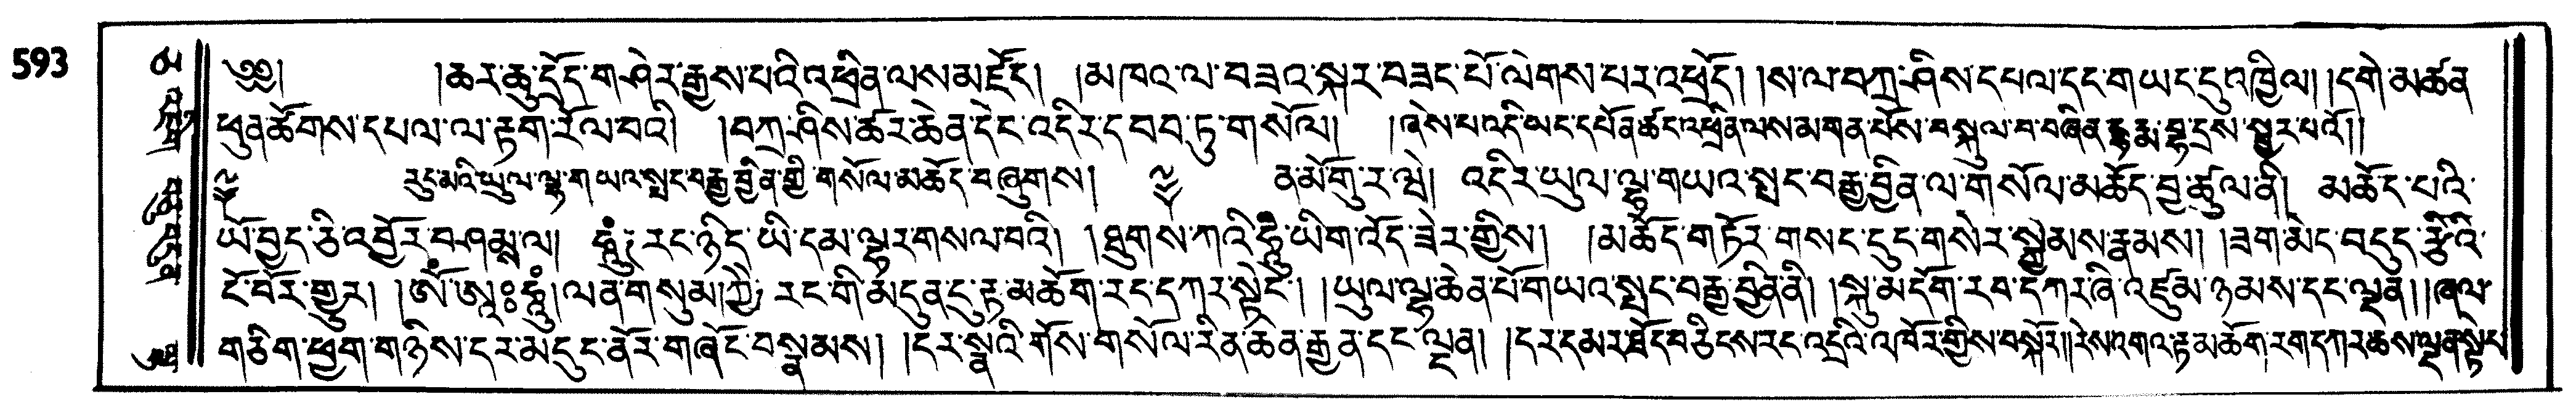༄༅། །ཆར་ཆུ་དྲོད་གཤེར་རྒྱས་པའི་འཕྲིན་ལས་མཛོད། །མཁའ་ལ་བཟའ་སྐར་བཟང་པོ་ལེགས་པར་འཕྲོད། །ས་ལ་བཀྲ་ཤིས་དཔལ་དང་གཡང་དུ་འཁྱིལ། །དགེ་མཚན་
ཕུན་ཚོགས་དཔལ་ལ་རྟག་རོལ་བའི། །བཀྲ་ཤིས་ཚར་ཆེན་དེང་འདིར་དབབ་ཏུ་གསོལ། །ཞེས་པ་འདི་ཡང་དཔོན་ཚང་འཕྲིན་ལས་མགན་པོས་བསྐུལ་བ་བཞིན་དྷརྨ་བྷ་དྲས་སྦྱར་པའོ།། །
འ་རུང་མའི་ཡུལ་ལྷ་གཡའ་སྤང་བརྒྱ་བྱིན་གྱི་གསོལ་མཆོད་བཞུགས། འ་ན་མོ་གུ་ར་ཝེ། འདིར་ཡུལ་ལྷ་གཡའ་སྤང་བརྒྱ་བྱིན་ལ་གསོལ་མཆོད་བྱ་ཚུལ་ནི། མཆོད་པའི་
ཡོ་བྱད་ཅི་འབྱོར་བཤམས་ལ། ཧཱུཾ༑ རང་ཉིད་ཡི་དམ་ལྷར་གསལ་བའི། །ཐུགས་ཀའི་ཧཱུཾ་ཡིག་འོད་ཟེར་གྱིས། །མཆོད་གཏོར་གསང་དུང་གསེར་སྐྱེམས་རྣམས། །ཟག་མེད་བདུད་རྩིའི་
ངོ་བོར་གྱུར། །ཨོཾ་ཨཱཿཧཱུཾ། ལན་གསུམ། ཀྱཻ༑ རང་གི་མདུན་དུ་རྟ་མཆོག་རང་དཀར་སྟེང་། །ཡུལ་ལྷ་ཆེན་པོ་གཡའ་སྤང་བརྒྱ་བྱིན་ནི། །སྐུ་མདོག་རབ་དཀར་ཞི་འཛུམ་ཉམས་དང་ལྡན། །ཞལ་
གཅིག་ཕྱག་གཉིས་དར་མདུང་ནོར་གཞོང་བསྣམས། །དར་སྣའི་གོས་གསོལ་རིན་ཆེན་རྒྱན་དང་ལྡན། །དར་དམར་ཐོད་བཅིངས་རང་འདྲའི་འཁོར་གྱིས་བསྐོར། །རེས་འགའ་རྟ་མཆོག་རག་དཀར་ཆས་ལྡན་སྟེང་